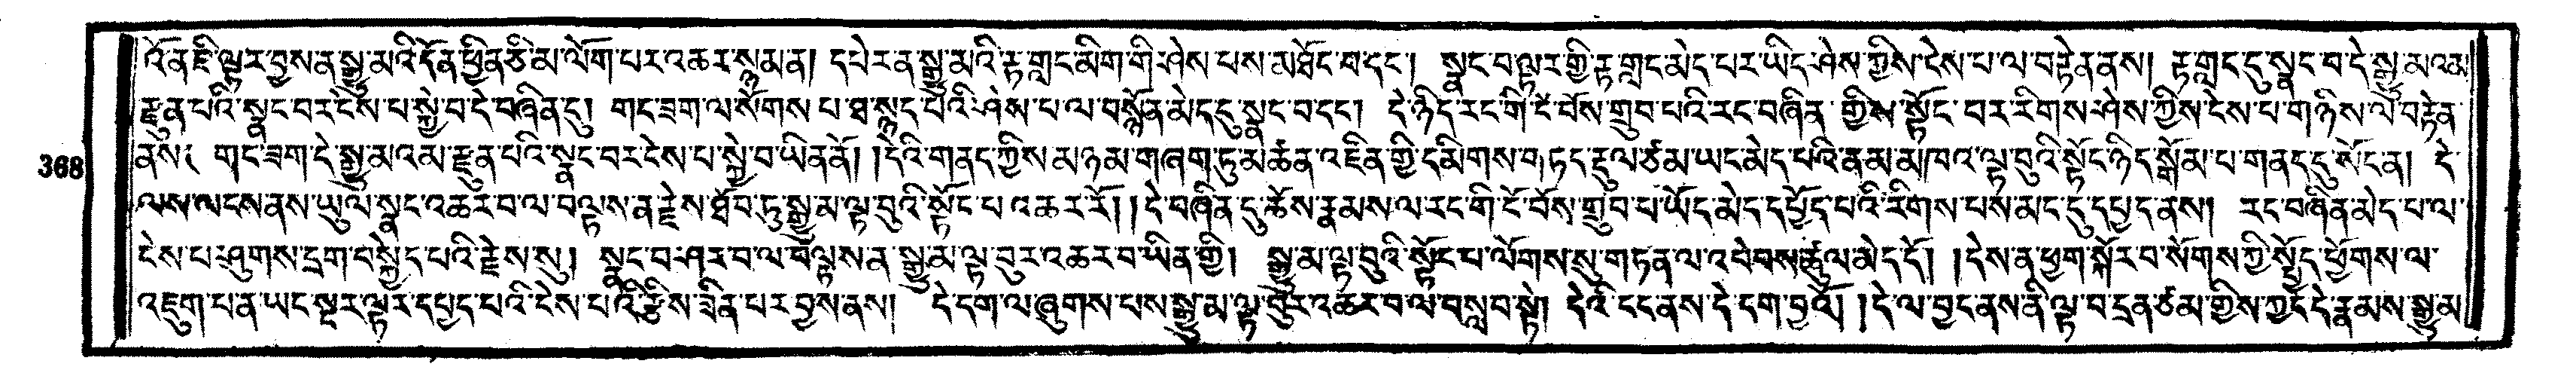འོན་ཇི་ལྟར་བྱས་ན་སྒྱུ་མའི་དོན་ཕྱིན་ཅི་མ་ལོག་པར་འཆར་སྙམ་ན། དཔེར་ན་སྒྱུ་མའི་རྟ་གླང་མིག་གི་ཤེས་པས་མཐོང་བ་དང་། སྣང་བ་ལྟར་གྱི་རྟ་གླང་མེད་པར་ཡིད་ཤེས་ཀྱིས་ངེས་པ་ལ་བརྟེན་ནས། རྟ་གླང་དུ་སྣང་བ་དེ་སྒྱུ་མའམ་
རྫུན་པའི་སྣང་བར་ངེས་པ་སྐྱེ་བ་དེ་བཞིན་དུ། གང་ཟག་ལ་སོགས་པ་ཐ་སྙད་པའི་ཤེས་པ་ལ་བསྙོན་མེད་དུ་སྣང་བ་དང་། དེ་ཉིད་རང་གི་ངོ་བོས་གྲུབ་པའི་རང་བཞིན་གྱིས་སྟོང་བར་རིགས་ཤེས་ཀྱིས་ངེས་པ་གཉིས་ལ་བརྟེན་
ནས༑ གང་ཟག་དེ་སྒྱུ་མའམ་རྫུན་པའི་སྣང་བར་ངེས་པ་སྐྱེ་བ་ཡིན་ནོ། །དེའི་གནད་ཀྱིས་མཉམ་གཞག་ཏུ་མཚན་འཛིན་གྱི་དམིགས་གཏད་རྡུལ་ཙམ་ཡང་མེད་པའི་ནམ་མཁའ་ལྟ་བུའི་སྟོང་ཉིད་སྒོམ་པ་གནད་དུ་སོང་ན། དེ་
ལས་ལངས་ནས་ཡུལ་སྣང་འཆར་བ་ལ་བལྟས་ན་རྗེས་ཐོབ་ཏུ་སྒྱུ་མ་ལྟ་བུའི་སྟོང་པ་འཆར་རོ། །དེ་བཞིན་དུ་ཆོས་རྣམས་ལ་རང་གི་ངོ་བོས་གྲུབ་པ་ཡོད་མེད་དཔྱོད་པའི་རིགས་པས་མང་དུ་དཔྱད་ནས། རང་བཞིན་མེད་པ་ལ་
ངེས་པ་ཤུགས་དྲག་བསྐྱེད་པའི་རྗེས་སུ། སྣང་བ་ཤར་བ་ལ་བལྟས་ན་སྒྱུ་མ་ལྟ་བུར་འཆར་བ་ཡིན་གྱི། སྒྱུ་མ་ལྟ་བུའི་སྟོང་པ་ལོགས་སུ་གཏན་ལ་འབེབས་ཚུལ་མེད་དོ། །དེས་ན་ཕྱག་སྐོར་བ་སོགས་ཀྱི་སྤྱོད་ཕྱོགས་ལ་
འཇུག་ན་ཡང་སྔར་ལྟར་དཔྱད་པའི་ངེས་པའི་རྩིས་ཟིན་པར་བྱས་ནས། དེ་དག་ལ་ཞུགས་པས་སྒྱུ་མ་ལྟ་བུར་འཆར་བ་ལ་བསླབ་སྟེ། དེའི་ངང་ནས་དེ་དག་བྱའོ། །དེ་ལ་བྱང་ནས་ནི་ལྟ་བ་དྲན་ཙམ་གྱིས་ཀྱང་དེ་རྣམས་སྒྱུ་མ་